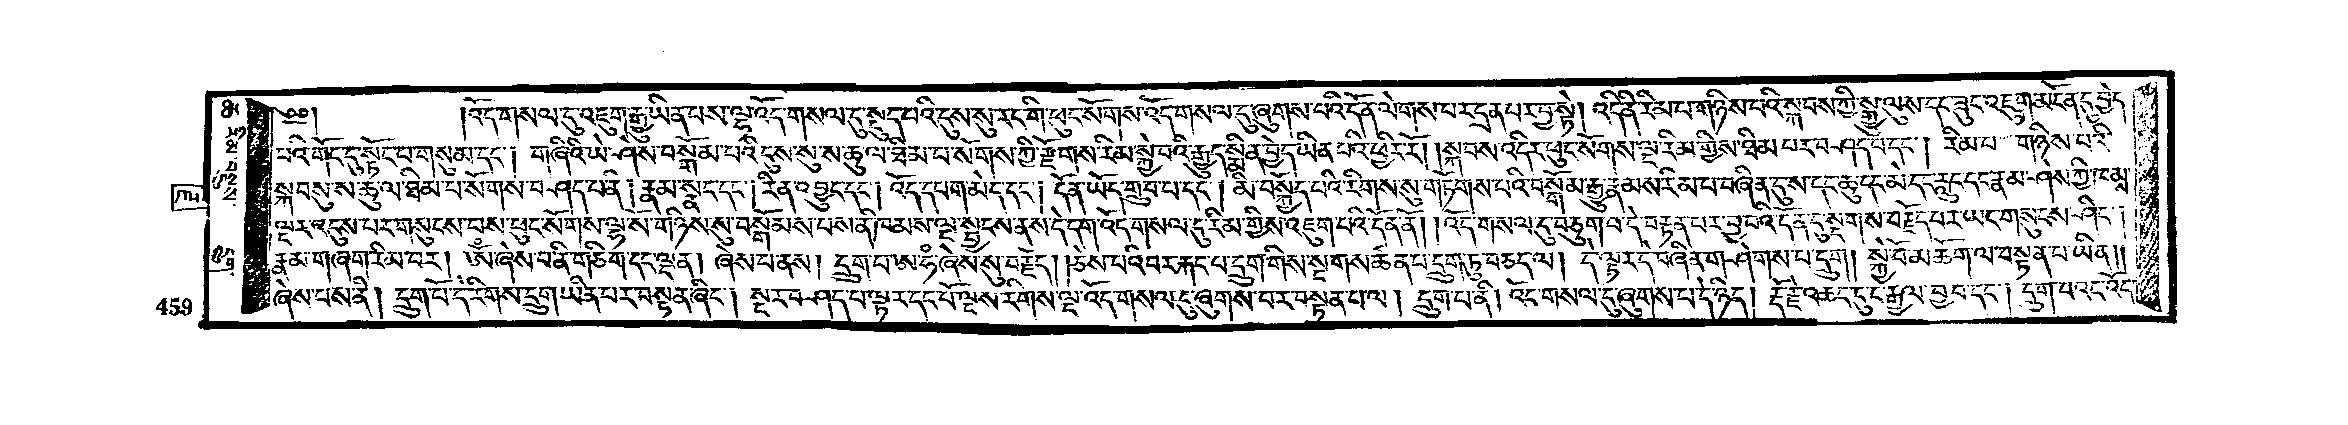༄༅། །འོད་གསལ་དུ་འཇུག་རྒྱུ་ཡིན་པས་ལྷ་འོད་གསལ་དུ་སྡུད་པའི་དུས་སུ་རང་གི་ཕུང་སོགས་འོད་གསལ་དུ་ཞུགས་པའི་དོན་ལེགས་པར་དྲན་པར་བྱ་སྟེ། འདི་ནི་རིམ་པ་གཉིས་པའི་སྐབས་ཀྱི་སྒྱུ་ལུས་དང་ཟུང་འཇུག་མངོན་དུ་བྱེད་
པའི་གོང་དུ་སྟོང་པ་གསུམ་དང་། གཞིའི་ཡེ་ཤེས་བསྒོམ་པའི་དུས་སུ་ས་ཆུ་ལ་ཐིམ་པ་སོགས་ཀྱི་རྫོགས་རིམ་སྐྱེ་བའི་རྒྱུད་སྨིན་བྱེད་ཡིན་པའི་ཕྱིར་རོ། །སྐབས་འདིར་ཕུང་སོགས་ལྔ་རིམ་གྱིས་ཐིམ་པར་བཤད་པ་དང་། རིམ་པ་གཉིས་པའི་
སྐབས་སུ་ས་ཆུ་ལ་ཐིམ་པ་སོགས་བཤད་པ་ནི། རྣམ་སྣང་དང་། རིན་འབྱུང་དང་། འོད་དཔག་མེད་དང་། དོན་ཡོད་གྲུབ་པ་དང་། མི་བསྐྱོད་པའི་རིགས་སུ་གཏོགས་པའི་བསྒོམ་རྒྱུ་རྣམས་རིམ་པ་བཞིན་དུ་ས་དང་ཆུ་དང་མེ་དང་རླུང་དང་རྣམ་ཤེས་ཀྱི་ཁམས་
ལྔར་འདུས་པར་གསུངས་པས་ཕུང་སོགས་ལྷ་སོ་གཉིས་སུ་བསྒོམས་པས་ནི་ཁམས་ལྔ་སྦྱངས་ནས་དེ་དག་འོད་གསལ་དུ་རིམ་གྱིས་འཇུག་པའི་དོན་ནོ། །འོད་གསལ་དུ་བཅུག་པ་དེ་བརྟན་པར་བྱ་བའི་དོན་དུ་སྔགས་བརྗོད་པར་ཡང་གསུངས་ཤིང་།
རྣམ་གཞག་རིམ་པར། ཨོཾ་ཞེས་པ་ནི་གཅིག་དང་ལྡན། ཞེས་པ་ནས། དྲུག་པ་ཨ་ཧཾ་ཞེས་སུ་བརྗོད། །ཅེས་པའི་བར་རྐང་པ་དྲུག་གིས་སྔགས་ཚན་པ་དྲུག་ཏུ་བཅད་ལ། དེ་ལྟར་དེ་བཞིན་གཤེགས་པ་དྲུག །སྐྱེ་བོ་མཆོག་ལ་བསྟན་པ་ཡིན།།
ཞེས་པས་ནི། དྲུག་པོ་དེ་རིགས་དྲུག་ཡིན་པར་བསྟན་ཞིང་། སྔར་བཤད་པ་ལྟར་དང་པོ་ལྔས་རིགས་ལྔ་འོད་གསལ་དུ་ཞུགས་པར་བསྟན་པ་ལ། དྲུག་པ་ནི། འོད་གསལ་དུ་ཞུགས་པ་དེ་ཉིད། རྡོ་རྗེ་འཆང་དུ་ང་རྒྱལ་བྱ་བ་དང་། དྲུག་པའང་འོད་